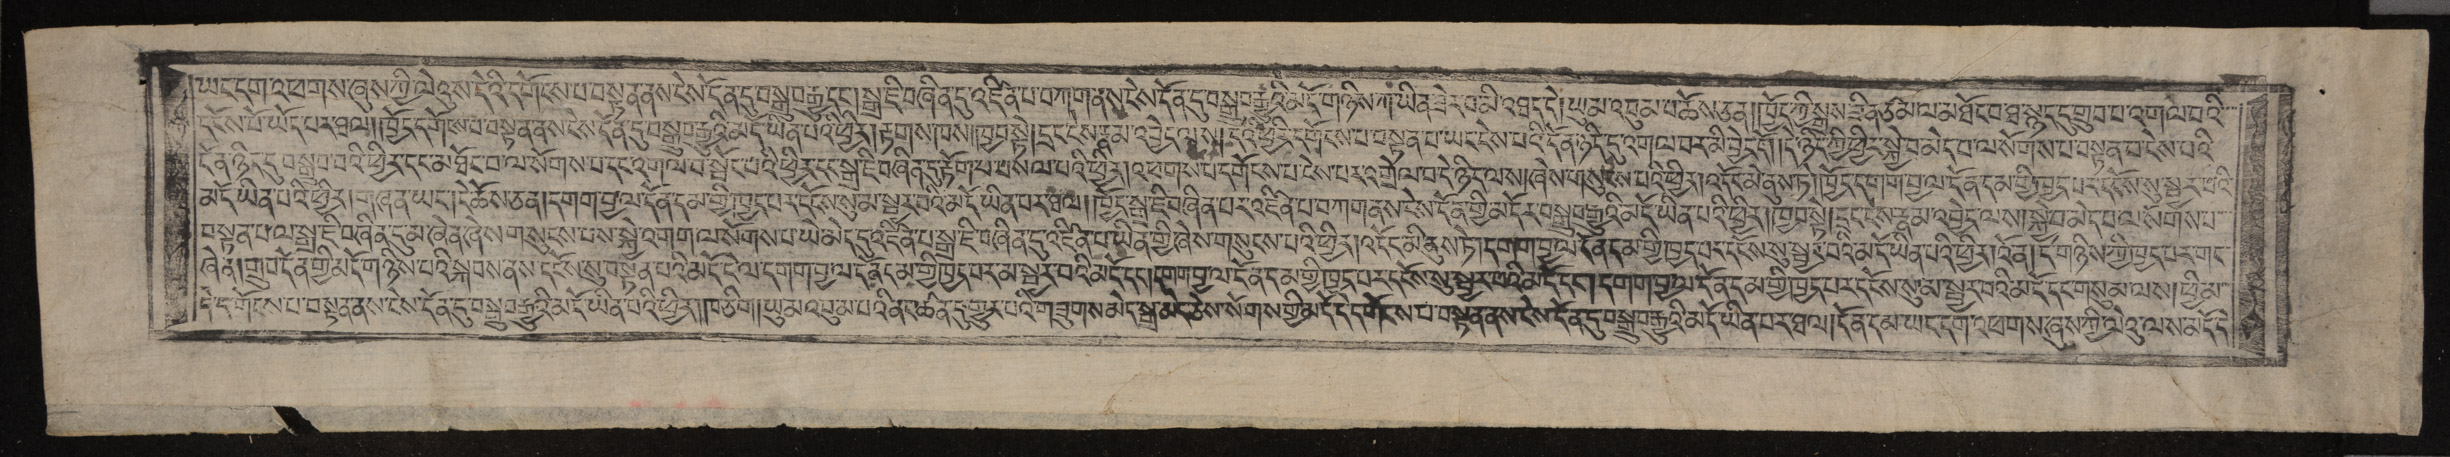ཡང་དག་འཕགས་ཞུས་ཀྱི་ལེའུས་དེའི་དགོངས་པ་བསྟན་ནས་ངེས་དོན་དུ་བསྒྲུབ་རྒྱུ་དང་། སྒྲ་ཇི་བཞིན་དུ་འཛིན་པ་བཀག་ནས་ངེས་དོན་དུ་བསྒྲུབ་རྒྱུའི་མདོ་གཉིས་ཀ་ཡིན་ཟེར་བ་མི་འཐད་དེ། ཡུམ་འབུམ་པ་ཆོས་ཅན། ཁྱོད་ཀྱི་སྒྲས་ཟིན་ཙམ་ལ་མཐོང་བ་ཐ་སྙད་དུ་གྲུབ་པ་འགལ་བའི་
དངོས་པོ་ཡོད་པར་ཐལ། ཁྱོད་དགོས་པ་བསྟན་ནས་ངེས་དོན་དུ་བསྒྲུབ་རྒྱའི་མདོ་ཡིན་པའི་ཕྱིར། རྟགས་ཁས། ཁྱབ་སྟེ། དྲང་ངེས་རྣམ་འབྱེད་ལས། དེའི་ཕྱིར་དགོངས་པ་བསྟན་པ་ཡང་ངེས་པའི་དོན་ཉིད་དུ་འགལ་བར་མི་བྱེད་དོ། །དེ་ཉིད་ཀྱི་ཕྱིར་སྐྱེ་བ་མེད་པ་ལ་སོགས་པ་བསྟན་པ་ངེས་པའི་
དོན་ཉིད་དུ་བསྒྲུབ་པའི་ཕྱིར་དང་མཐོང་བ་ལ་སོགས་པ་དང་འགལ་བ་སྤོང་བའི་ཕྱིར་དང་སྒྲ་ཇི་བཞིན་དུ་རྟོག་པ་བསལ་བའི་ཕྱིར། འཕགས་པ་དགོངས་པ་ངེས་པར་འགྲེལ་བ་དེ་ཉིད་ལས། ཞེས་གསུངས་པའི་ཕྱིར། འདོད་མི་ནུས་ཏེ། ཁྱོད་དགག་བྱ་ལ་དོན་དམ་གྱི་ཁྱད་པར་དངོས་སུ་སྦྱར་བའི་
མདོ་ཡིན་པའི་ཕྱིར། གཞན་ཡང་། དེ་ཆོས་ཅན། དགག་བྱ་ལ་དོན་དམ་གྱི་ཁྱད་པར་དངོས་སུ་མ་སྦྱར་བའི་མདོ་ཡིན་པར་ཐལ། ཁྱོད་སྒྲ་ཇི་བཞིན་པར་འཛིན་པ་བཀག་ནས་ངེས་དོན་གྱི་མདོར་བསྒྲུབ་རྒྱུའི་མདོ་ཡིན་པའི་ཕྱིར། ཁྱབ་སྟེ། དྲང་ངེས་རྣམ་འབྱེད་ལས། སྐྱེ་བ་མེད་པ་ལ་སོགས་པ་
བསྟན་པ་ལ་སྒྲ་ཇི་བཞིན་དུ་མ་ཞེན་ཞེས་གསུངས་པས་སྐྱེ་འགག་ལ་སོགས་པ་ཡེ་མེད་དུ་འཛིན་པ་སྒྲ་ཇི་བཞིན་དུ་འཛིན་པ་ཡིན་གྱི་ཞེས་གསུངས་པའི་ཕྱིར། འདོད་མི་ནུས་ཏེ། དགག་བྱ་ལ་དོན་དམ་གྱི་ཁྱད་པར་དངོས་སུ་སྦྱར་བའི་མདོ་ཡིན་པའི་ཕྱིར། འོ་ན། དེ་གཉིས་ཀྱི་ཁྱད་པར་གང་
ཞེ་ན། གྲུབ་དོན་གྱི་མདོ་གཉིས་པའི་སྐབས་ནས་དངོས་སུ་བསྟན་པའི་མདོ་དེ་ལ་དགག་བྱ་ལ་དོན་དམ་གྱི་ཁྱད་པར་མ་སྦྱར་བའི་མདོ་དང་། དགག་བྱ་ལ་དོན་དམ་གྱི་ཁྱད་པར་དངོས་སུ་སྦྱར་བའི་མདོ་དང་། དགག་བྱ་ལ་དོན་དམ་གྱི་ཁྱད་པར་དངོས་སུ་མ་སྦྱར་བའི་མདོ་དང་གསུམ་ལས། ཕྱི་མ་
དེ་དགོངས་པ་བསྟན་ནས་ངེས་དོན་དུ་བསྒྲུབ་རྒྱུའི་མདོ་ཡིན་པའི་ཕྱིར། ཁ་ཅིག །ཡུམ་འབུམ་པའི་ནང་ཚན་དུ་གྱུར་པའི་གཟུགས་མེད་སྒྲ་མེད་ཅེས་མེད་ཅེས་སོགས་ཀྱི་མདོ་དེ་དགོངས་པ་བསྟན་ནས་ངེས་དོན་དུ་བསྒྲུབ་རྒྱའི་མདོ་ཡིན་པར་ཐལ། དོན་དམ་ཡང་དག་འཕགས་ཞུས་ཀྱི་ལེའུ་ལས་མདོ་ད་